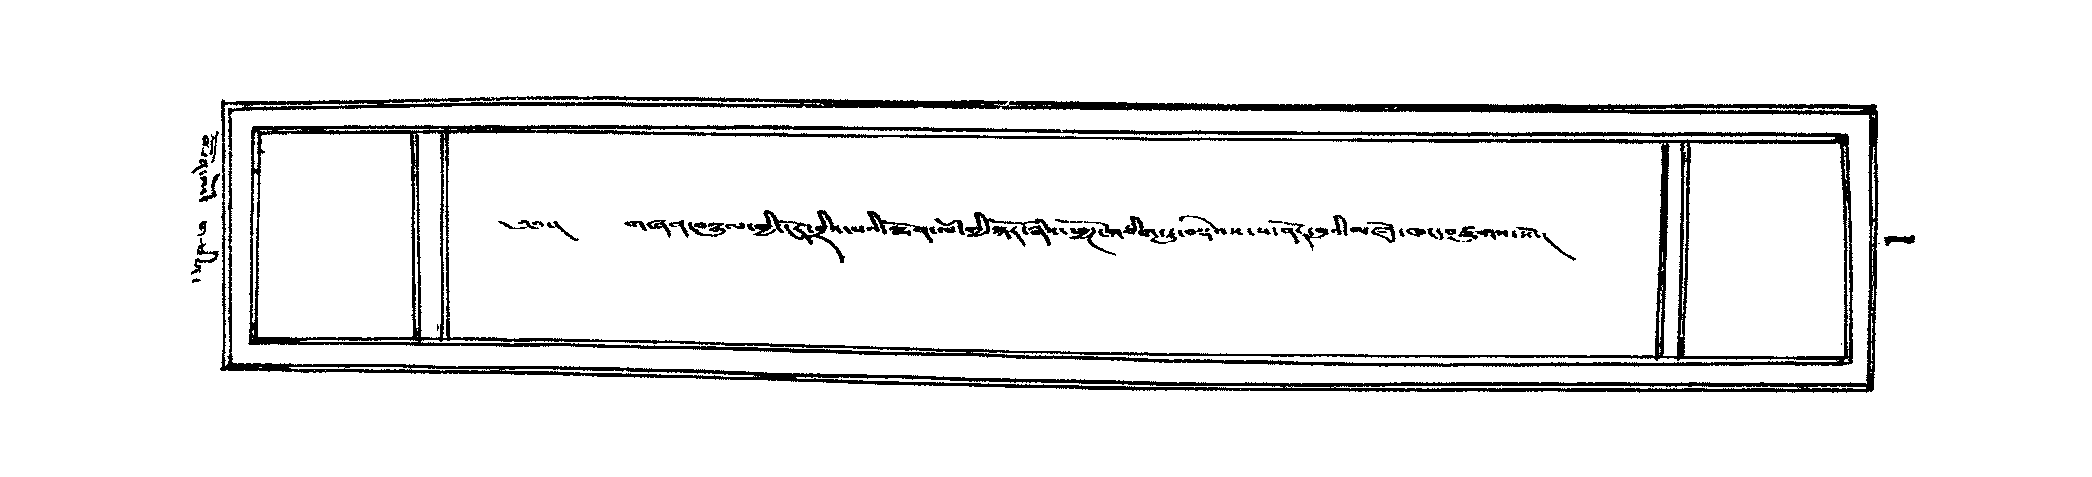༄༅། གཞན་བསྐུལ་གྱི་ངོར་བྲིས་པའི་སྨོན་ལམ་གྱི་སྐོར་རྣམས་ཕྱོགས་གཅིག་ཏུ་བསྡེབས་པ་ནོར་བུའི་མཛོད་ཁང་བཞུགས་སོ།།